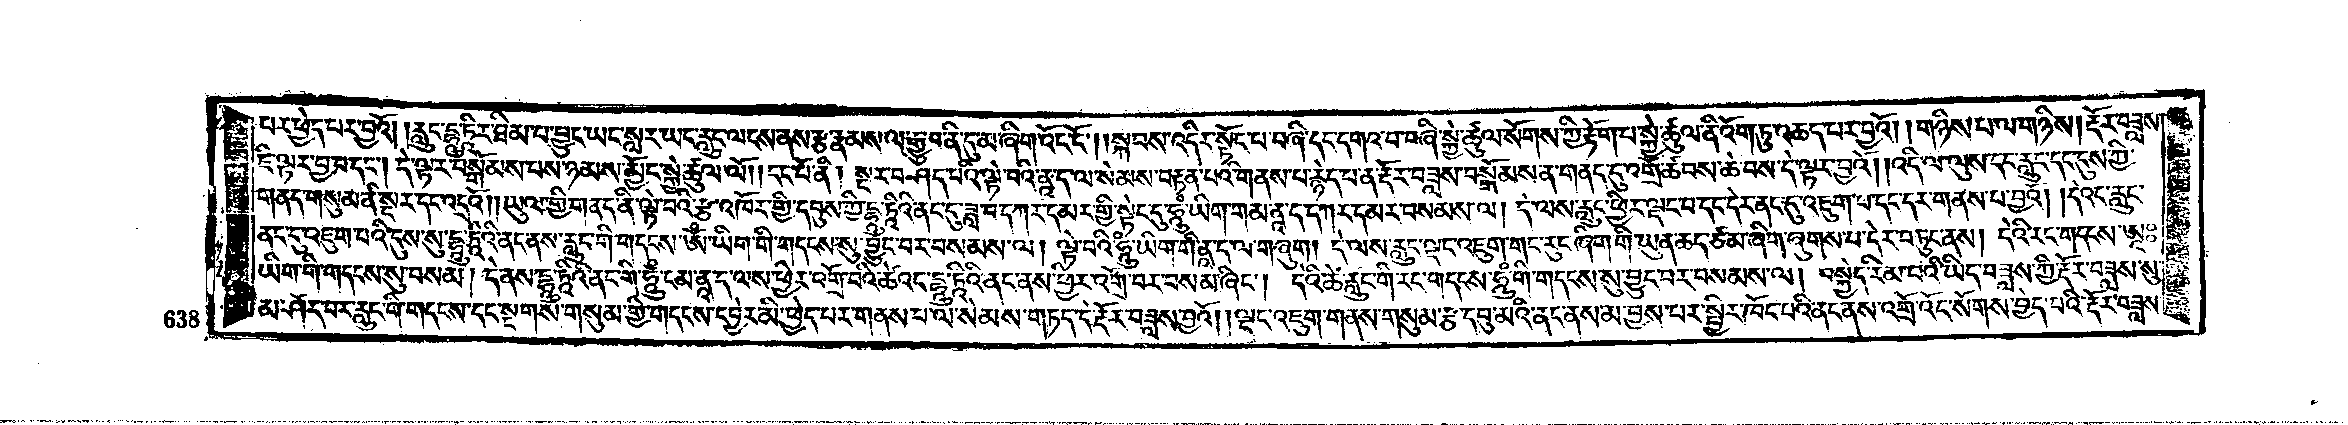པར་ཕྱེད་པར་བྱའོ། །རླུང་དྷཱུ་ཏཱིར་ཐིམ་པ་བྱུང་ཡང་སླར་ཡང་རླུང་ལངས་ནས་རྩ་རྣམས་ལ་རྒྱུ་བ་ནི་དུ་མ་ཞིག་འོང་ངོ། །སྐབས་འདིར་སྟོང་པ་བཞི་དང་དགའ་བ་བཞི་སྐྱེ་ཚུལ་སོགས་ཀྱི་རྟོག་པ་སྐྱེ་ཚུལ་ནི་འོག་ཏུ་འཆད་པར་བྱའོ། །གཉིས་པ་ལ་གཉིས། རྡོར་བཟླས་
ཇི་ལྟར་བྱ་བ་དང་། དེ་ལྟར་བསྒོམས་པས་ཉམས་མྱོང་སྐྱེ་ཚུལ་ལོ། །དང་པོ་ནི། སྔར་བཤད་པའི་ལྟེ་བའི་ནཱ་ད་ལ་སེམས་བརྟན་པའི་གནས་པ་རྙེད་པ་ན་རྡོར་བཟླས་བསྒོམས་ན་གནད་དུ་འགྲོ་ཚབས་ཆེ་བས་དེ་ལྟར་བྱའོ། །འདི་ལ་ལུས་དང་རླུང་དང་དུས་ཀྱི་
གནད་གསུམ་ནི་སྔར་དང་འདྲའོ། །ཡུལ་གྱི་གནད་ནི་ལྟེ་བའི་རྩ་འཁོར་གྱི་དབུས་ཀྱི་དྷཱུ་ཏཱིའི་ནང་དུ་ཟླ་བ་དཀར་དམར་གྱི་སྟེང་དུ་ཧཱུཾ་ཡིག་གམ་ནཱ་ད་དཀར་དམར་བསམས་ལ། དེ་ལས་རླུང་ཕྱིར་ལྡང་བ་དང་དེར་ནང་དུ་འཇུག་པ་དང་དེར་གནས་པ་བྱའོ། །དེའང་རླུང་
ནང་དུ་འཇུག་པའི་དུས་སུ་དྷཱུ་ཏཱིའི་ནང་ནས་རླུང་གི་གདངས་ཨོཾ་ཡིག་གི་གདངས་སུ་བྱུང་བར་བསམས་ལ། ལྟེ་བའི་ཧཱུཾ་ཡིག་གི་ནཱ་ད་ལ་གཞུག །དེ་ལས་རླུང་ལྡང་འཇུག་གང་རུང་ཞིག་གི་ཡུན་ཆད་ཙམ་ཞིག་ཞུགས་པ་དེར་བཟུང་ནས། དེའི་རང་གདངས་ཨཱཿ
ཡིག་གི་གདངས་སུ་བསམ། དེ་ནས་དྷཱུ་ཏཱིའི་ནང་གི་ཧཱུཾ་ངམ་ནཱ་ད་ལས་ཕྱིར་འགྲོ་བའི་ཚེའང་དྷཱུ་ཏཱིའི་ནང་ནས་ཕྱིར་འགྲོ་བར་བསམ་ཞིང་། དེའི་ཚེ་རླུང་གི་རང་གདངས་ཧཱུཾ་གི་གདངས་སུ་བྱུང་བར་བསམས་ལ། བསྐྱེད་རིམ་པའི་ཡིད་བཟླས་ཀྱི་རྡོར་བཟླས་སུ་
མ་ཤར་བར་རླུང་གི་གདངས་དང་སྔགས་གསུམ་གྱི་གདངས་དབྱེར་མི་ཕྱེད་པར་གནས་པ་ལ་སེམས་གཏད་དེ་རྡོར་བཟླས་བྱའོ། །ལྡང་འཇུག་གནས་གསུམ་རྩ་དབུ་མའི་ནང་ནས་མ་བྱས་པར་སྤྱིར་ཁོང་པའི་ནང་ནས་འགྲོ་འོང་སོགས་བྱེད་པའི་རྡོར་བཟླས་